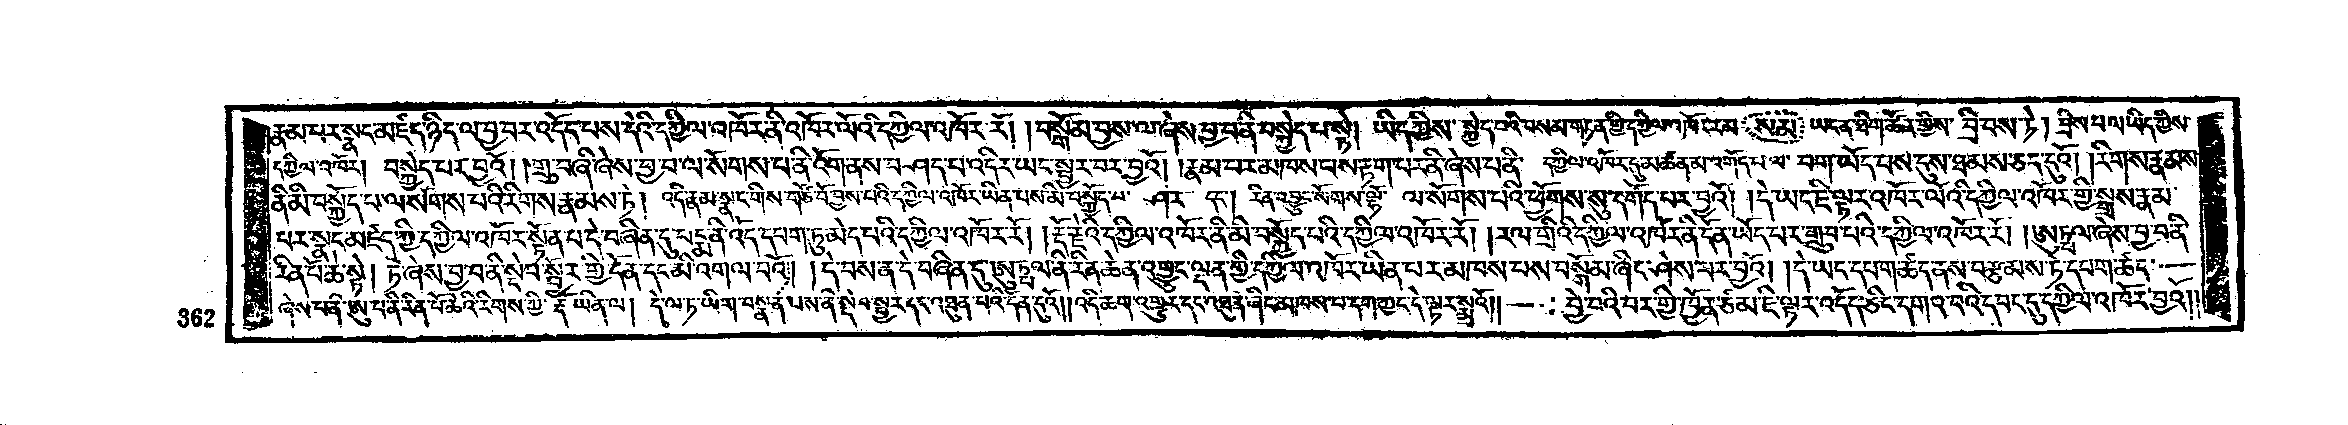རྣམ་པར་སྣང་མཛད་ཉིད་ལ་བྱ་བར་འདོད་པས་དེའི་དཀྱིལ་འཁོར་ནི་འཁོར་ལོའི་དཀྱིལ་འཁོར་རོ། །བསྒོམ་བྱས་ལ་ཞེས་བྱ་བ་ནི་བསྐྱེད་པ་སྟེ། ཡིད་ཀྱིས་སྐྱེད་པའི་བསམ་གཏན་གྱི་དཀྱིལ་འཁོར་རམ་སམ་ཡང་ན་ཐིག་ཚོན་གྱིས་བྲི་བས་ཏེ། བྲིས་པ་ལ་ཡིད་ཀྱིས
དཀྱིལ་འཁོར།  བསྐྱེད་པར་བྱའོ། །གྲུ་བཞི་ཞེས་བྱ་བ་ལ་སོགས་པ་ནི་འོག་ནས་བཤད་པ་འདིར་ཡང་སྦྱར་བར་བྱའོ། །རྣམ་པར་མཁས་པས་རྟག་པར་ནི་ཞེས་པ་ནི་དཀྱིལ་འཁོར་དུ་མཚན་མ་འགོད་པ་ལ་བག་ཡོད་པས་དུས་ཐམས་ཅད་དུའོ། །རིགས་རྣམས་
ནི་མི་བསྐྱོད་པ་ལ་སོགས་པའི་རིགས་རྣམས་ཏེ། འདི་རྣམ་སྣང་གིས་གཙོ་བོ་བྱས་པའི་དཀྱིལ་འཁོར་ཡིན་པས་མི་བསྐྱོད་པ་ཤར་དང་། རིན་འབྱུང་སོགས་ལྷོ་ལ་སོགས་པའི་ཕྱོགས་སུ་དགོད་པར་བྱའོ། །དེ་ཡང་ཇི་ལྟར་འཁོར་ལོའི་དཀྱིལ་འཁོར་གྱི་སྒྲས་རྣམ་
པར་སྣང་མཛད་ཀྱི་དཀྱིལ་འཁོར་སྟོན་པ་དེ་བཞིན་དུ་པདམ་ནི་འོད་དཔག་ཏུ་མེད་པའི་དཀྱིལ་འཁོར་རོ། །རྡོ་རྗེའི་དཀྱིལ་འཁོར་ནི་མི་བསྐྱོད་པའི་དཀྱིལ་འཁོར་རོ། །རལ་གྲིའི་དཀྱིལ་འཁོར་ནི་དོན་ཡོད་པར་གྲུབ་པའི་དཀྱིལ་འཁོར་རོ། །ཨུཏྤླ་ཞེས་བྱ་བ་ནི་
རིན་པོ་ཆེ་སྟེ། ཏ་ཞེས་བྱ་བ་ནི་སྡེབ་སྦྱོར་གྱི་དོན་དང་མི་འགལ་བའོ། །དེ་བས་ན་དེ་བཞིན་དུ་ཨུཏྤལ་ནི་རིན་ཆེན་འབྱུང་ལྡན་གྱི་དཀྱིལ་འཁོར་ཡིན་པར་མཁས་པས་བསྒོམ་ཞིང་ཤེས་པར་བྱའོ། །དེ་ཡང་དཔག་ཚད་ནས་བརྩམས་ཏེ་དཔག་ཚདཿ
ཞེས་པ་ནི་ཨུ་པ་ནི་རིན་པོ་ཆེའི་རིགས་ཀྱི་རྡོ་ཡིན་ལ། དེ་ལ་ཏ་ཡིག་བསྣན་པས་ནི་སྡེབ་སྦྱར་དང་འཐུན་པའི་དོན་དུའོ། །འདི་ཆག་འགྱུར་དང་འཐུན་ཞིང་མཁས་པ་དག་ཀྱང་དེ་ལྟར་སྨྲའོ།།  བྱེ་བའི་བར་གྱི་ཁྱོན་ཙམ་ཇི་ལྟར་འདོད་ཅིང་དགའ་བའི་དབང་དུ་།དཀྱིལ་འཁོར་བྱའོ།